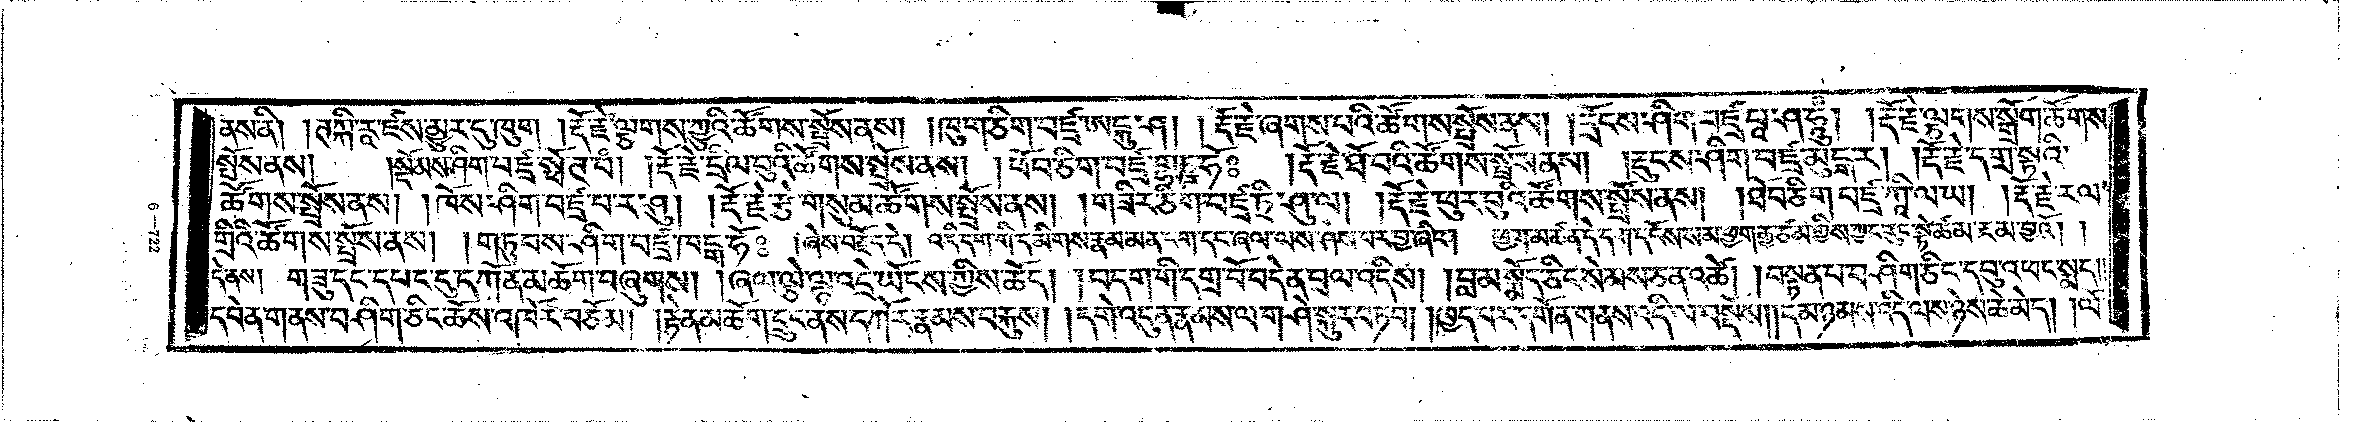ནས་ནི། །ཊཀྐི་རཱ་ཛས་མྱུར་དུ་ཁུག །རྡོ་རྗེ་ལྕགས་ཀྱུའི་ཚོགས་སྤྲོས་ནས། །ཁུག་ཅིག་བཛྲ་ཨངྐུ་ཤ། །རྡོ་རྗེ་ཞགས་པའི་ཚོགས་སྤྲོས་ནས། །དྲོངས་ཤིག་བཛྲ་པཱ་ཤ་ཧཱུཾ། །རྡོ་རྗེ་ལྕགས་སྒྲོག་ཚོགས་
སྤོས་ནས། །སྡོམས་ཤིག་བཛྲ་སྥོ་ཊ་བཾ། རྡོ་རྗེ་དྲིལ་བུའི་ཚོགས་སྤྲོས་ནས། །ཕོ་བ་ཅིག་བཛྲ་གྷཎྜ་ཧོཿ །རྡོ་རྗེ་ཐོ་བའི་ཚོགས་སྤྲོས་ནས། །རྡུངས་ཤིག་བཛྲ་མུངྒ་ར། །རྡོ་རྗེ་དགྲ་སྟའི་
ཚོགས་སྤྲོས་ནས། །ཁོས་ཤིག་བཛྲ་པ་ར་ཤུ། །རྡོ་རྗེ་རྩེ་གསུམ་ཚོགས་སྤྲོས་ནས། །གཟིར་ཅིག་བཛྲ་ཏྲི་ཤུ་ལ། །རྡོ་རྗེ་ཕུར་བུའི་ཚོགས་སྤྲོས་ནས། །ཐོབ་ཅིག་བཛྲ་ཀཱི་ལ་ཡ། །རྡོ་རྗེ་རལ་
གྲིའི་ཚོགས་སྤྲོས་ནས། །གཏུབས་ཤིག་བཛྲ་ཁངྒ་ཧོཿ ཞེས་བརྗོད་དེ། འདི་དག་གི་དམིགས་རྣམ་མན་ངག་དང་ཞལ་ལས་ཤེས་པར་བྱ་ཞིང་། ཕྱག་མཚན་དེ་དག་དངོས་སམ་ཕྱག་རྒྱ་ཙམ་གྱིས་ཀྱང་རུང་སྟེ་ཚ་མ་རྔམ་བྱའོ། །
དེ་ནས། གཟུ་དང་དཔང་དུ་དཀོན་མཆོག་བཞུགས། །ཞལ་ལྕེ་ལྟ་འདྲེ་ཡོངས་ཀྱིས་ཆོད། །བདག་གི་དགྲ་བོ་བདེན་བྲལ་འདིས། །བླ་མ་སྨོད་ཅིང་སེམས་ཅན་འཚེ། །བསྟན་པ་བཤིག་ཅིང་དབུ་འཕང་སྨད།།
དབེན་གནས་བཤིག་ཅིང་ཆོས་འཁོར་བཅོམ། །རྟེན་མཆོག་དྲུང་ནས་དཀོར་རྣམས་བརྐུས། །དགེ་འདུན་རྣམས་ལ་གཤེ་སྐུར་བཏབ། །ཁྱད་པར་དགོན་གནས་འདི་ལ་བསྡོས། །དམ་ཉམས་འདི་ལས་ཉེས་ཆེ་མེད། །ལོ་